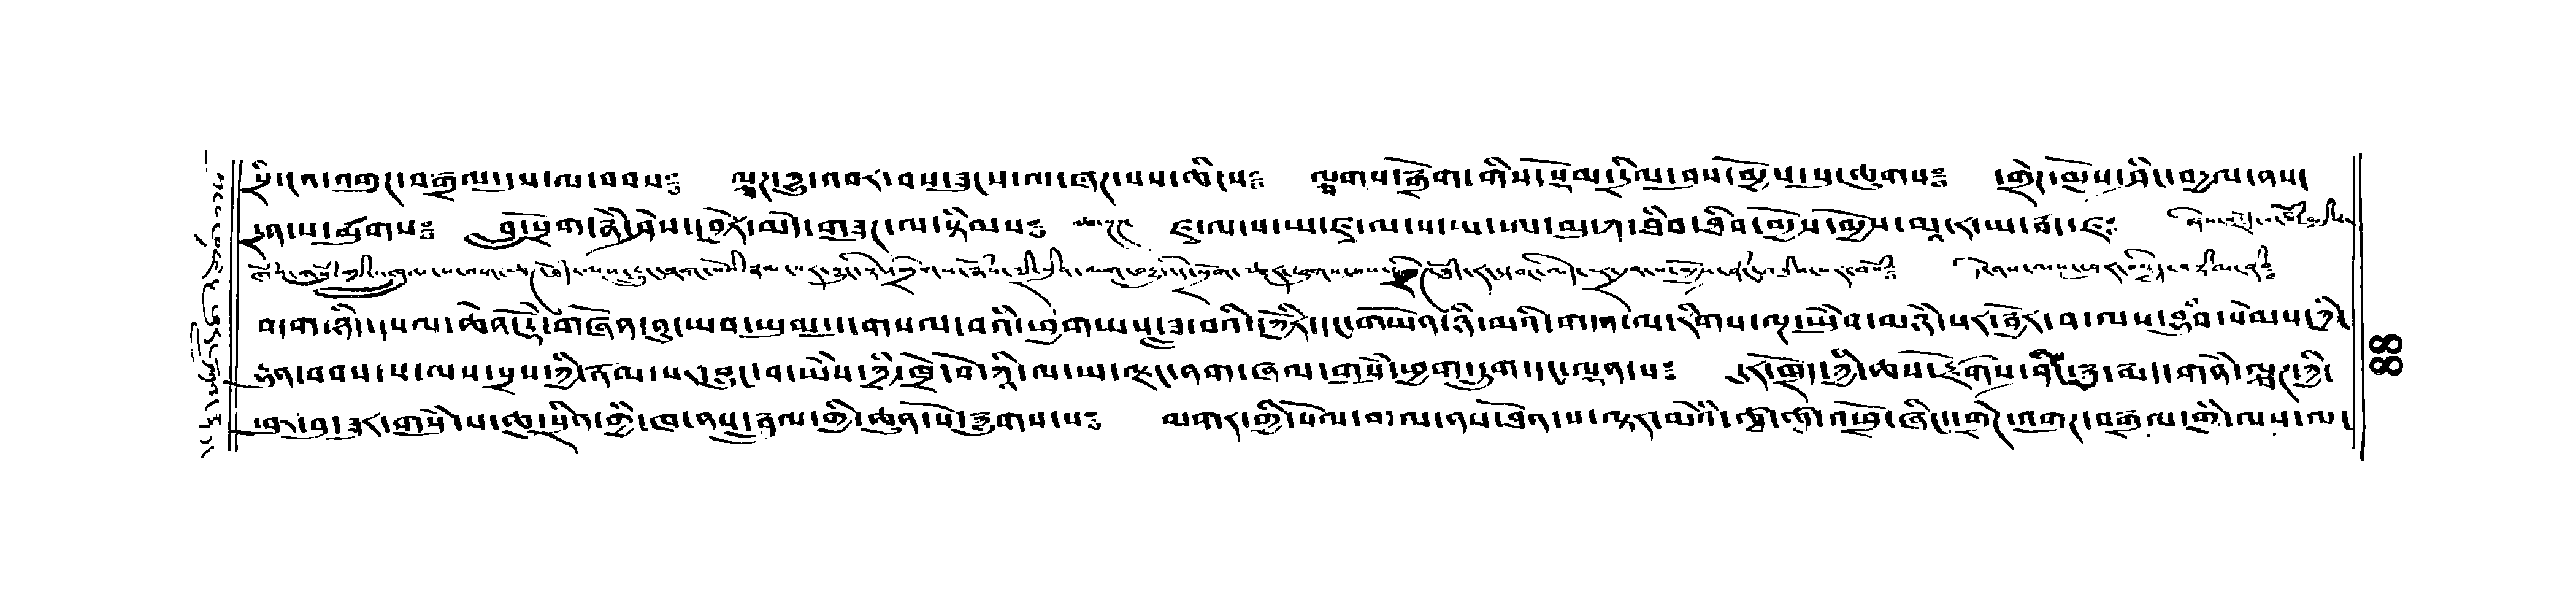སྲི་ངན་འགུགས་བསྒྲལ་དུས་ལ་བབས༔ ལྕགས་ཀྱུ་འབར་བས་ཟུངས་ལ་ཞགས་པས་ཆིངས༔ ལྕགས་སྒྲོག་གིས་སྡོམ་དྲིལ་བུས་མྱོས་སུ་ཆུགས༔ དགྲ་བགེགས་མྱོས་ཤིང་བརྒྱལ་ནས་
དྲན་པ་རྨུགས༔ བླ་སྲོག་རྣམ་ཤེས་དབྱེར་མེད་གཟུགས་ལ་སྟིམས༔ རྩ་སྔགས༔ ཛྭ་ལ་པ་ཡ་ཛྭ་ལ་པ་ཡ་ཨ་མུ་ཀ་ཐིབ་ཐིབ་མྱོས་མྱོས་མཱ་ར་ཡ་རྦད་ཛཿ ཞེས་བརྗོད་པ་ཙམ་གྱིས་
ཁམས་གསུམ་གྱི་འཁྲུལ་པ་བག་ཆགས་ཐམས་ཅད་ལས་རླུང་ནག་པོའི་རྣམ་པར་བྱུང་སྟེ་དགྲ་བགེགས་རྣམས་ཀྱི་སྲིན་ལག་བརྒྱུད་དེ་སྲོག་རྩར་ཞུགས་པས་དགྲ་བགེགས་ཐམས་ཅད་རང་དབང་མེད་པར་དྲན་པ་མྱོས་ཤིང་འཐིབས་པར་བསམ༔ དེ་ནས་ལས་ཕུར་བསྐྱེད་བསྟིམ་ནི༔ 
བདག་ཉིད་དཔལ་ཆེན་རྡོ་རྗེ་གཞོན་ནུ་ཡབ་ཡུམ་དུ་གསལ་བའི་ཕྱག་གཡས་ཟླ་བའི་དཀྱིལ་འཁོར་དང་གཡོན་ཉི་མའི་གདན་ལ་རིགས་ལྔ་ཡབ་ཡུམ་མཉམ་པར་སྦྱོར་བ་ལས་བྱང་ཆུབ་སེམས་ཀྱི་
རྒྱུན་བབས་པ་ལས་སྲས་ཀྱི་རྣམ་པར་བྱུང་བ་ཡེ་ཤེས་ཀྱི་ཁྲོ་བོ་ཀཱི་ལ་ཡ་ལྗང་ནག་ཞལ་གསུམ་ཕྱག་དྲུག་དང་ལྡན་པ༔ དུར་ཁྲོད་ཀྱི་ཆས་རྫོགས་ཤིང་སྐུ་སྨད་གནམ་ལྕགས་ཀྱི་
ཕུར་བུ་ཟུར་གསུམ་པ་ཆུ་སྲིན་གྱི་ཁ་ནས་སྦྲུལ་གྱི་ཆུན་པོ་སྐྱུག་པ༔ མགར་གྱི་སོལ་མལ་ནས་ཐོན་པ་ལྟར་མེའི་ཚྭ་ཚྭ་འཕྲོ་ཞིང་གྲེགས་འགུགས་བསྒྲལ་གྱི་ལས་ལ་